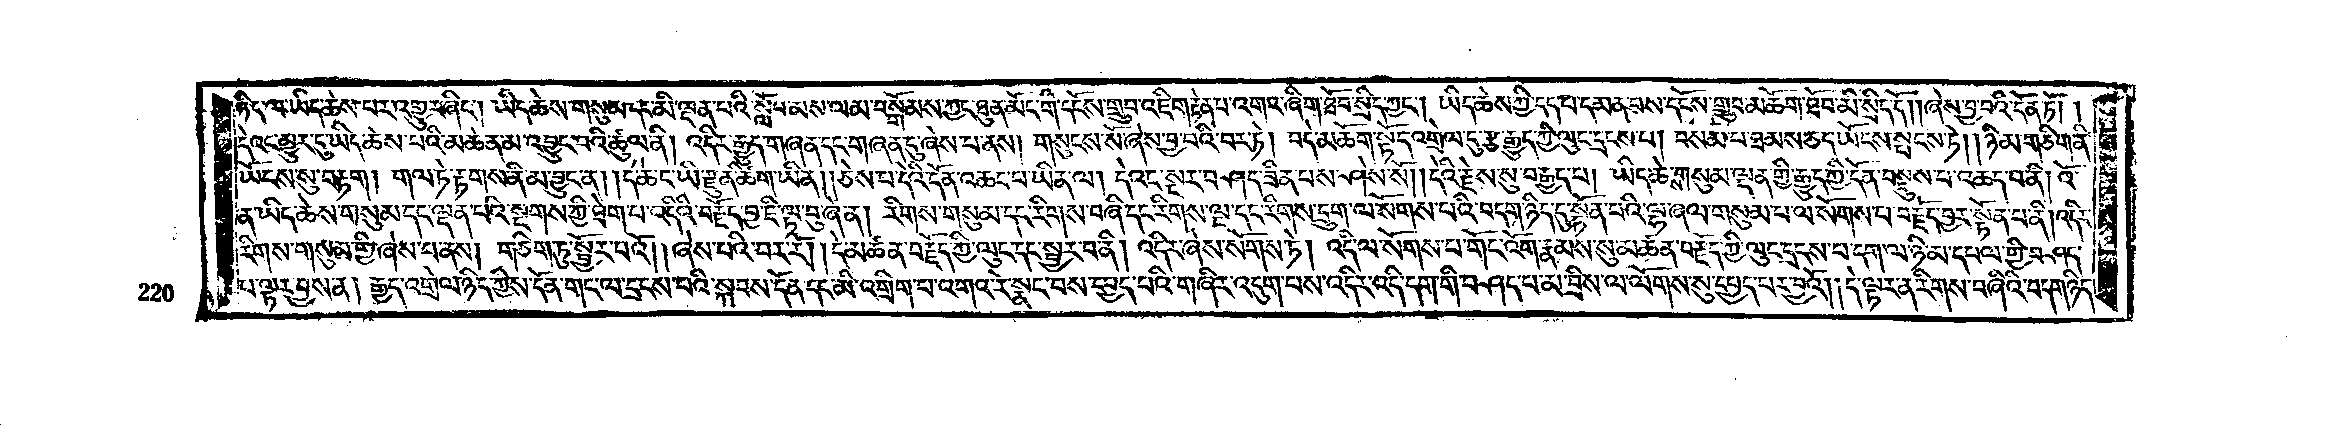ཉིད་ལ་ཡིད་ཆེས་པར་འགྱུར་ཞིང་། ཡིད་ཆེས་གསུམ་དང་མི་ལྡན་པའི་སློབ་མས་ལམ་བསྒོམས་ཀྱང་ཐུན་མོང་གི་དངོས་གྲུབ་འཇིག་རྟེན་པ་འགའ་ཞིག་ཐོབ་སྲིད་ཀྱང་། ཡིད་ཆེས་ཀྱི་དད་པ་དམན་པས་དངོས་གྲུབ་མཆོག་ཐོབ་མི་སྲིད་དོ། །ཞེས་བྱ་བའི་དོན་ཏོ། །
དེའང་མྱུར་དུ་ཡིད་ཆེས་པའི་མཚན་མ་འབྱུང་བའི་ཚུལ་ནི། འདིར་རྒྱུད་གཞན་དང་གཞན་དུ་ཞེས་པ་ནས། གསུངས་སོ་ཞེས་བྱ་བའི་བར་ཏེ། བདེ་མཆོག་སྟོད་འགྲེལ་དུ་རྩ་རྒྱུད་ཀྱི་ལུང་དྲངས་པ། བསམ་པ་ཐམས་ཅད་ཡོངས་སྤངས་ཏེ། །ཉི་མ་གཅིག་ནི་
ཡོངས་སུ་བརྟག །གལ་ཏེ་རྟགས་ནི་མ་བྱུང་ན། །དེ་ཆེ་ང་ཡི་རྫུན་ཚིག་ཡིན། །ཅེས་པ་དེའི་དོན་འཆད་པ་ཡིན་ལ། དེའང་སྔར་བཤད་ཟིན་པས་ཤེས་སོ། །དེའི་རྗེས་སུ་བརྒྱད་པ། ཡིད་ཆེས་གསུམ་ལྡན་གྱི་དོན་བསྡུས་པ་འཆད་པ་ནི། འོ་
ན་ཡིད་ཆེས་གསུམ་དང་ལྡན་པའི་སྔགས་ཀྱི་ཐེག་པ་འདིའི་བརྗོད་བྱ་ཇི་ལྟ་བུ་ཞེ་ན། རིགས་གསུམ་དང་རིགས་བཞི་དང་རིགས་ལྔ་དང་རིགས་དྲུག་ལ་སོགས་པའི་བདག་ཉིད་དུ་སྟོན་པའི་ལྷ་ཞལ་གསུམ་པ་ལ་སོགས་པ་བརྗོད་བྱར་སྟོན་པ་ནི། འདིར་
རིགས་གསུམ་གྱི་ཞེས་པ་ནས། གཅིག་ཏུ་སྦྱོར་བའོ། །ཞེས་པའི་བར་རོ། །དེ་མཚན་བརྗོད་ཀྱི་ལུང་དང་སྦྱར་བ་ནི། འདིར་ཞེས་སོགས་ཏེ། འདི་ལ་སོགས་པ་གོང་འོག་རྣམས་སུ་མཚན་བརྗོད་ཀྱི་ལུང་དྲངས་པ་དག་ལ་ཉི་མ་དཔལ་གྱི་བཤད་
པ་ལྟར་བྱས་ན། རྒྱུད་འགྲེལ་ཉིད་ཀྱིས་དོན་གང་ལ་དྲངས་པའི་སྐབས་དོན་དང་མི་འགྲིག་པ་འགའ་རེ་སྣང་བས་དཔྱད་པའི་གཞིར་འདུག་པས་འདིར་འདི་དག་གི་བཤད་པ་མ་བྲིས་ལ་ལོགས་སུ་དཔྱད་པར་བྱའོ། །དེ་ལྟར་ན་རིགས་བཞིའི་བདག་ཉིད་